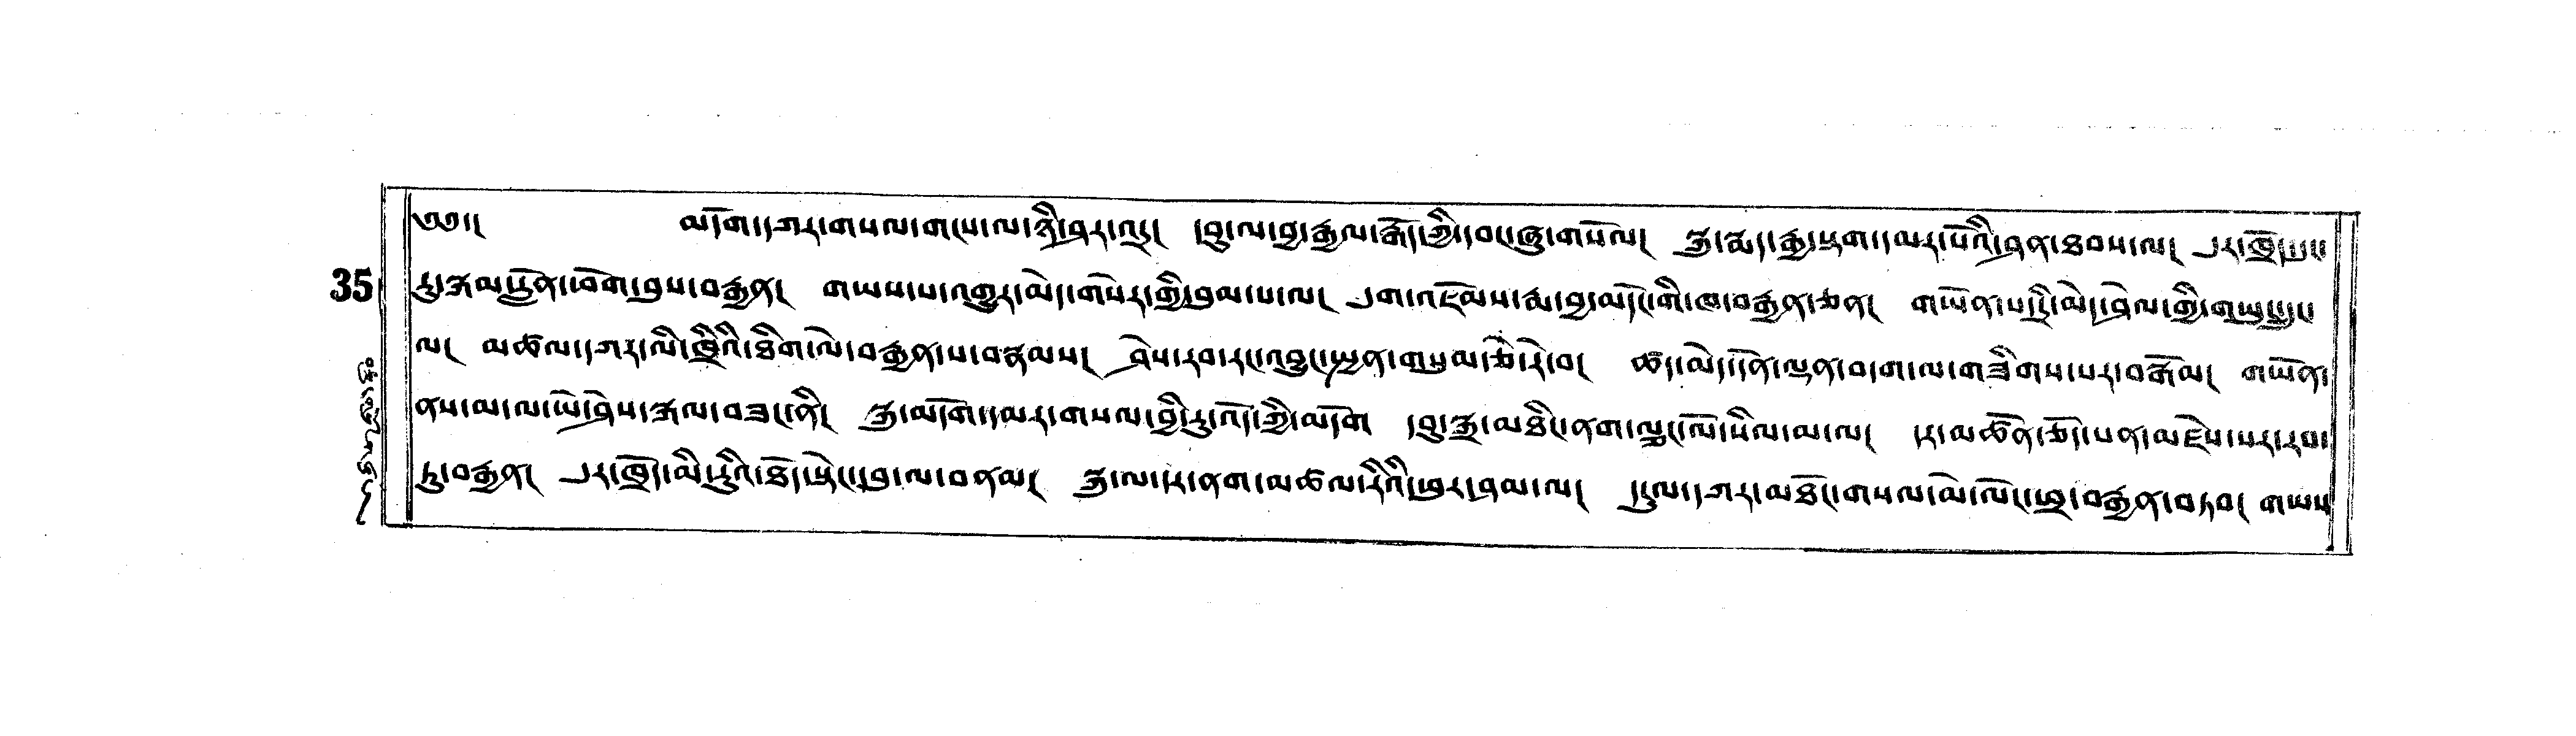མདོག་དཀར་གསལ་གངས་ལ་ཉི་ཤར་འདྲ། དབུ་ལ་བྱ་རྒྱལ་རྒོད་ཀྱི་དབང་ཞུ་གསོལ། སྐུ་སྨད་རྒྱ་སྟག་དམར་པོའི་ཤམ་ཐབས་ལ། དུར་ཁྲོད་དུང་
རུ་སྐམ་རློན་ཕོག་བུས་བརྒྱན། གཡས་པ་འགྱུར་མེད་གསེར་གྱི་བུམ་པ་ལ། དུག་འཇོམས་རྨ་བྱ་མདོངས་ཀྱི་ཁ་རྒྱན་ཅན། གཡོན་པ་དྲི་མེད་ཤེལ་གྱི་གཡུང་དྲུང་
ལ། མཚལ་དཀར་ལི་ཁྲིའི་ཐིག་ལེ་བརྒྱན་པ་བསྣམས། ཤེས་རབ་རང་འབྱུང་སྤྱན་གསུམ་ཅེ་རེ་བ། ཚད་མེད་འོད་ལྡན་བདག་ལ་གཟིགས་པར་བསྒོམ། གཡོན་
ནས་མ་ལ་ཡེ་ཤེས་སྐལ་བཟང་ནི། སྐུ་མདོག་དམར་གསལ་བྱི་རུ་འོད་ཀྱི་མདོག དབུ་སྐྲ་མཐིང་ནག་ལྕང་ལོ་སིལ་མ་ལ། དར་མཚོན་ཅོད་པཎ་མཛེས་པར་རབ་
ཏུ་བརྒྱན། དུར་ཁྲོད་མི་རོའི་ཐོད་རྡིང་དབུ་ལ་བསྣམས། སྐུ་ལ་དར་ནག་མཚལ་རིའི་ཕུར་ཤམ་ལ། དངུལ་དཀར་མཐོང་གསལ་མེ་ལོང་ཕྲ་རྒྱན་བཏབ། གཡས་